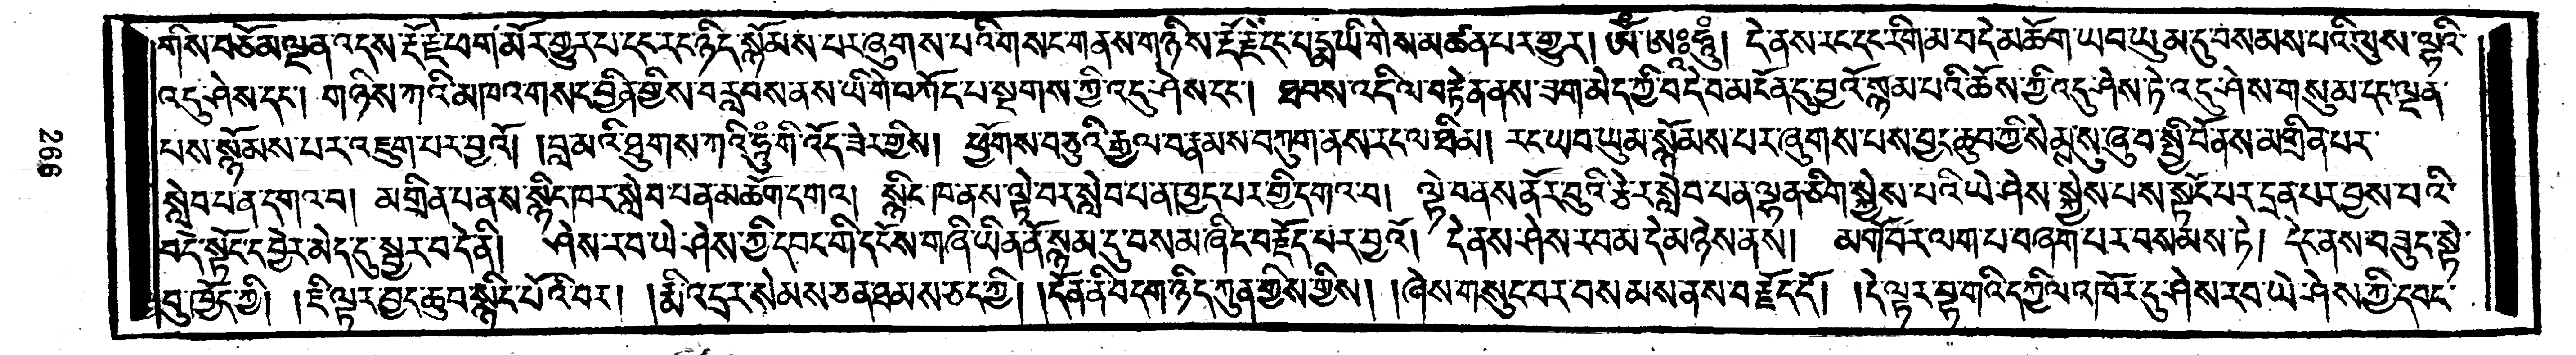གིས་བཅོམ་ལྡན་འདས་རྡོ་རྗེ་ཕག་མོར་གྱུར་པ་དང་རང་ཉིད་སྙོམས་པར་ཞུགས་པའི་གསང་གནས་གཉིས་རྡོ་རྗེ་དང་པདམ་ཡི་གེས་མཚན་པར་གྱུར། ཨོཾ་ཨཱཿ ཧཱུཾ། དེ་ནས་རང་དང་རིག་མ་བདེ་མཆོག་ཡབ་ཡུམ་དུ་བསམས་པའི་ལུས་ལྷའི་
འདུ་ཤེས་དང་། གཉིས་ཀའི་མཁའ་གསང་བྱིན་གྱིས་བརླབས་ནས་ཡི་གེ་བཀོད་པ་སྔགས་ཀྱི་འདུ་ཤེས་དང་། ཐབས་འདི་ལ་བརྟེན་ནས་ཟག་མེད་ཀྱི་བདེ་བ་མངོན་དུ་བྱའོ་སྙམ་པའི་ཆོས་ཀྱི་འདུ་ཤེས་ཏེ་འདུ་ཤེས་གསུམ་དང་ལྡན་
པས་སྙོམས་པར་འཇུག་པར་བྱའོ། །བླ་མའི་ཐུགས་ཀའི་ཧཱུཾ་གི་འོད་ཟེར་གྱིས། ཕྱོགས་བཅུའི་རྒྱལ་བ་རྣམས་བཀུག་ནས་རང་ལ་ཐིམ། རང་ཡབ་ཡུམ་སྙོམས་པར་ཞུགས་པས་བྱང་ཆུབ་ཀྱི་སེམས་སུ་ཞུ་བ་སྤྱི་བོ་ནས་མགྲིན་པར་
སླེབ་པ་ན་དགའ་བ། མགྲིན་པ་ནས་སྙིང་ཁར་སླེབ་པ་ན་མཆོག་དགའ། སྙིང་ཁ་ནས་ལྟེ་བར་སླེབ་པ་ན་ཁྱད་པར་གྱི་དགའ་བ། ལྟེ་བ་ནས་ནོར་བུའི་རྩེར་སླེབ་པ་ན་ལྷན་ཅིག་སྐྱེས་པའི་ཡེ་ཤེས་སྐྱེས་པས་སྟོང་པར་དྲན་པར་བྱས་པའི་
བདེ་སྟོང་དབྱེར་མེད་དུ་སྦྱར་བ་དེ་ནི། ཤེས་རབ་ཡེ་ཤེས་ཀྱི་དབང་གི་དངོས་གཞི་ཡིན་ནོ་སྙམ་དུ་བསམ་ཞིང་བརྗོད་པར་བྱའོ། དེ་ནས་ཤེས་རབ་མ་དེ་མཉེས་ནས། མགོ་བོར་ལག་པ་བཞག་པར་བསམས་ཏེ། དེང་ནས་བཟུང་སྟེ་
བུ་ཁྱོད་ཀྱི། །ཇི་ལྟར་བྱང་ཆུབ་སྙིང་པོའི་བར། །རྨི་འདྲར་སེམས་ཅན་ཐམས་ཅད་ཀྱི། །དོན་ནི་བདག་ཉིད་ཀུན་གྱིས་གྱིས། །ཞེས་གསུང་བར་བསམས་ནས་བརྗོད་དོ། །དེ་ལྟར་བྷ་གའི་དཀྱིལ་འཁོར་དུ་ཤེས་རབ་ཡེ་ཤེས་ཀྱི་དབང་